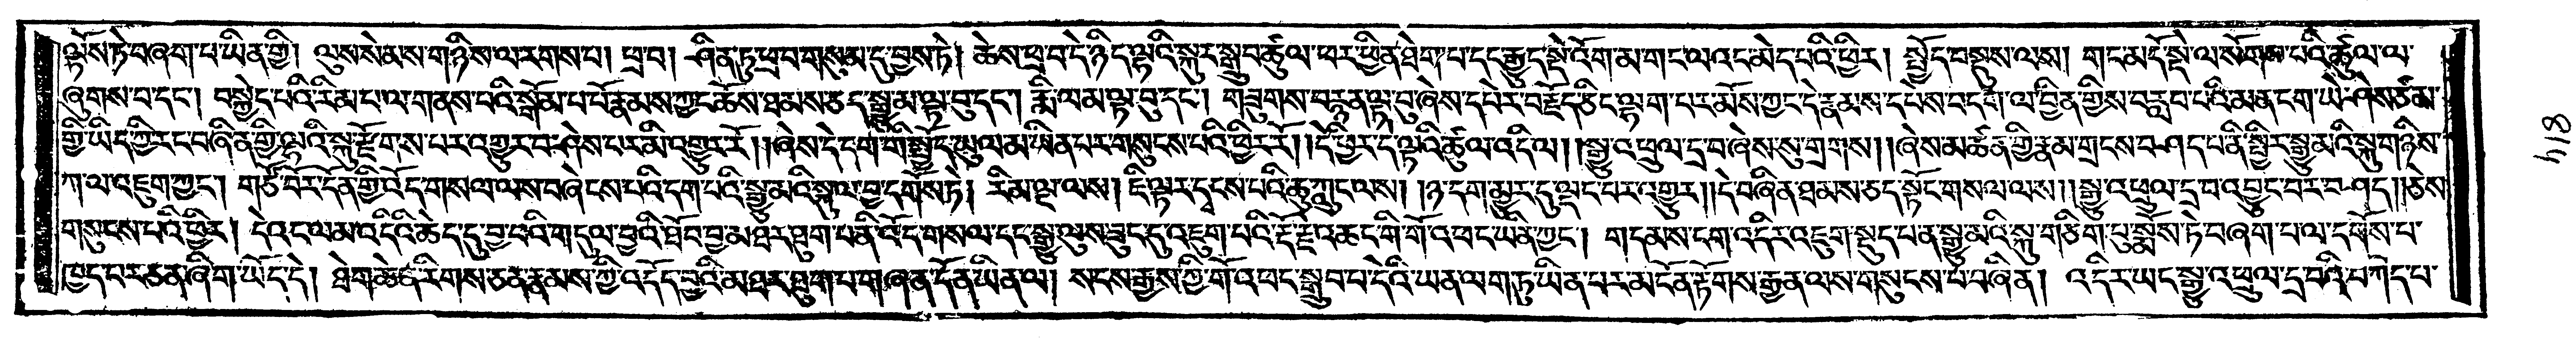ལྟོས་ཏེ་བཞག་པ་ཡིན་གྱི། ལས་སེམས་གཉིས་ལ་རགས་པ། ཕྲ་བ། ཤིན་ཏུ་ཕྲ་བ་གསུམ་དུ་བྱས་ཏེ། ཆེས་ཕྲ་བ་དེ་ཉིད་ལྷའི་སྐུར་སྒྲུབ་ཚུལ་ཕར་ཕྱིན་ཐེག་པ་དང་རྒྱུད་སྡེ་འོག་མ་གང་ལའང་མེད་པའི་ཕྱིར། སྤྱོད་བསྡུས་ལས། གང་མདོ་སྡེ་ལ་སོགས་པའི་ཚུལ་ལ་
ཞུགས་པ་དང་། བསྐྱེད་པའི་རིམ་པ་ལ་གནས་པའི་སྒོམ་པ་པོ་རྣམས་ཀྱང་ཆོས་ཐམས་ཅད་སྒྱུ་མ་ལྟ་བུ་དང་། རྨི་ལམ་ལྟ་བུ་དང་། གཟུགས་བརྙན་ལྟ་བུ་ཞེས་དཔེར་བརྗོད་ཅིང་ལྷག་པར་མོས་ཀྱང་དེ་རྣམས་དཔས་བདག་ལ་བྱིན་གྱིས་བརླབ་པའི་མན་ངག་ཡེ་ཤེས་ཙམ་
གྱི་ཡིད་ཀྱི་རང་བཞིན་གྱི་ལྷའི་སྐུ་རྫོགས་པར་འགྱུར་བ་ཤེས་པར་མི་འགྱུར་རོ། །ཞེས་དེ་དག་གི་སྤྱོད་ཡུལ་མ་ཡིན་པར་གསུངས་པའི་ཕྱིར་རོ། །དེ་ཕྱིར་དེ་ལྟའི་ཚུལ་འདི་ལ། །སྒྱུ་འཕྲུལ་དྲ་བ་ཞེས་སུ་གྲགས། །ཞེས་མཚན་གྱི་རྣམ་གྲངས་བཤད་པ་ནི་སྤྱིར་སྒྱུ་མའི་སྐུ་གཉིས་
ཀ་ལ་འཇུག་ཀྱང་། གཙོ་བོར་དོན་གྱི་འོད་གསལ་ལས་བཞེངས་པའི་དག་པའི་སྒྱུ་མའི་སྐུ་ལ་བྱ་དགོས་ཏེ། རིམ་ལྔ་ལས། ཇི་ལྟར་དྭངས་པའི་ཆུ་ཀླུང་ལས། །ཉ་དག་མྱུར་དུ་ལྡང་བར་འགྱུར། །དེ་བཞིན་ཐམས་ཅད་སྟོང་གསལ་ལས། །སྒྱུ་འཕྲུལ་དྲ་བ་འབྱུང་བར་བཤད། །ཅེས་
གསུངས་པའི་ཕྱིར། དེའང་ལམ་འདིའི་ཆེད་དུ་བྱ་བའི་གདུལ་བྱའི་ཐོབ་བྱ་མཐར་ཐུག་པ་ནི་འོད་གསལ་དང་སྒྱུ་ལུས་ཟུང་དུ་འཇུག་པའི་རྡོ་རྗེ་འཆང་གི་གོ་འཕང་ཡིན་ཀྱང་། གདམས་ངག་འདིར་འཇུག་སྡུད་པ་ན་སྒྱུ་མའི་སྐུ་གཅིག་པུ་སྨོས་ཏེ་བཞག་པ་ལ་དགོས་པ་
ཁྱད་པར་ཅན་ཞིག་ཡོད་དེ། ཐེག་ཆེན་རིགས་ཅན་རྣམས་ཀྱི་འདོད་བྱའི་མཐར་ཐུག་པ་གཞན་དོན་ཡིན་ལ། སངས་རྒྱས་ཀྱི་གོ་འཕང་སྒྲུབ་པ་དེའི་ཡན་ལག་ཏུ་ཡིན་པར་མངོན་རྟོགས་རྒྱན་ལས་གསུངས་པ་བཞིན། འདིར་ཡང་སྒྱུ་འཕྲུལ་དྲ་བའི་བཀོད་པ་